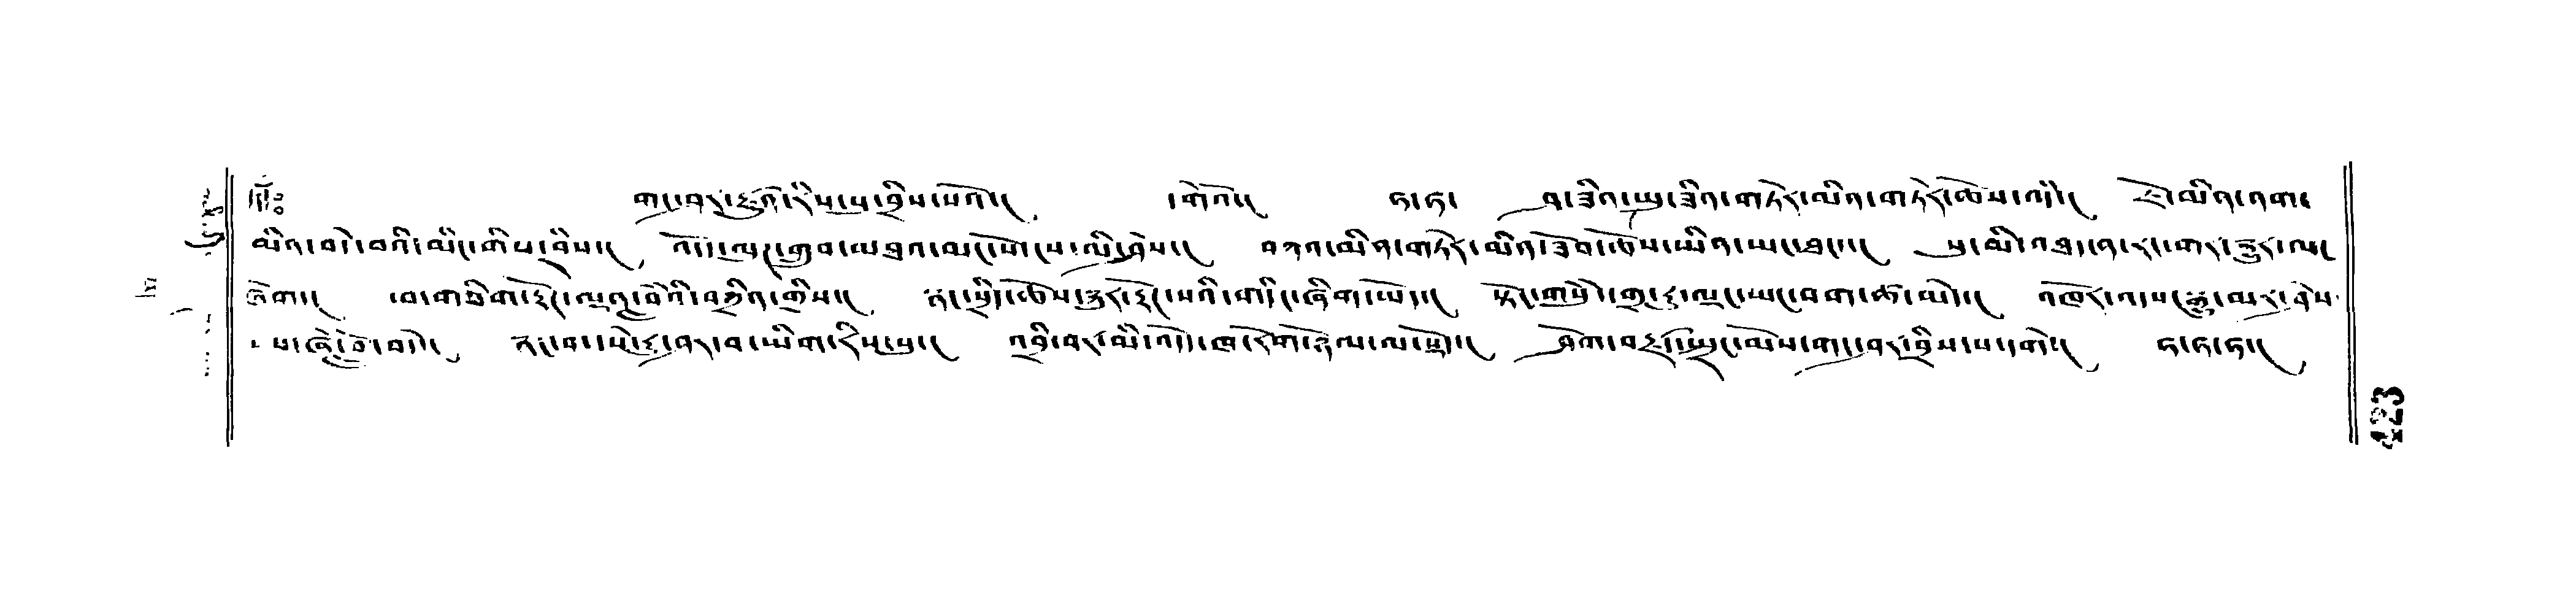གང་ཤར་རྫུན་རིས་སུ་བྲིས་པའོ།། དགེའོ།། ཧ་ཧ། ཤ་ཟིན་སྤུ་ཟིན་གཏེར་མིན་གཏེར་ཆོས་འདི། །ཇོ་མིན་ནག་
མིན་བདེ་བའི་མིང་གིས་བྲིས། །འདོད་ལུགས་གྲུབ་མཐའ་མང་པོ་ངས་མི་ཤེས། །བཀའ་མིན་གཏེར་མིན་ཟོབ་ཆོས་ཡིན་ཡང་ཐང་། །སུ་མི་འཐད་ན་རང་གར་སྐྱུར་ལ་
ཞོག །ཕ་གཅིག་རྟོགས་ལྡན་བླ་མའི་བཀའ་དྲིན་གྱིས། །སྣང་སྲིད་ཆོས་སྐུར་རྟོགས་པའི་གདིང་ཞིག་ཡོད། །སྟོང་གསུམ་དགྲ་རུ་ལྡང་ཡང་བག་ཚ་མེད། །འཁོར་འདས་སྒྱུ་མར་ཤེས་
ནས་ཞེ་བློ་བདེ། །སྣང་བ་དཔེ་རུ་ཤར་བ་ཡིག་རིས་སུ། །འབྲི་བར་མི་འདོད་ཁ་རོག་ཉོལ་ལ་སྡོད། །ཤོག་བརྫད་སྤྲང་མོས་གང་ཤར་བྲིས་པ་དགེ། ཧ་ཧ་ཧ།།